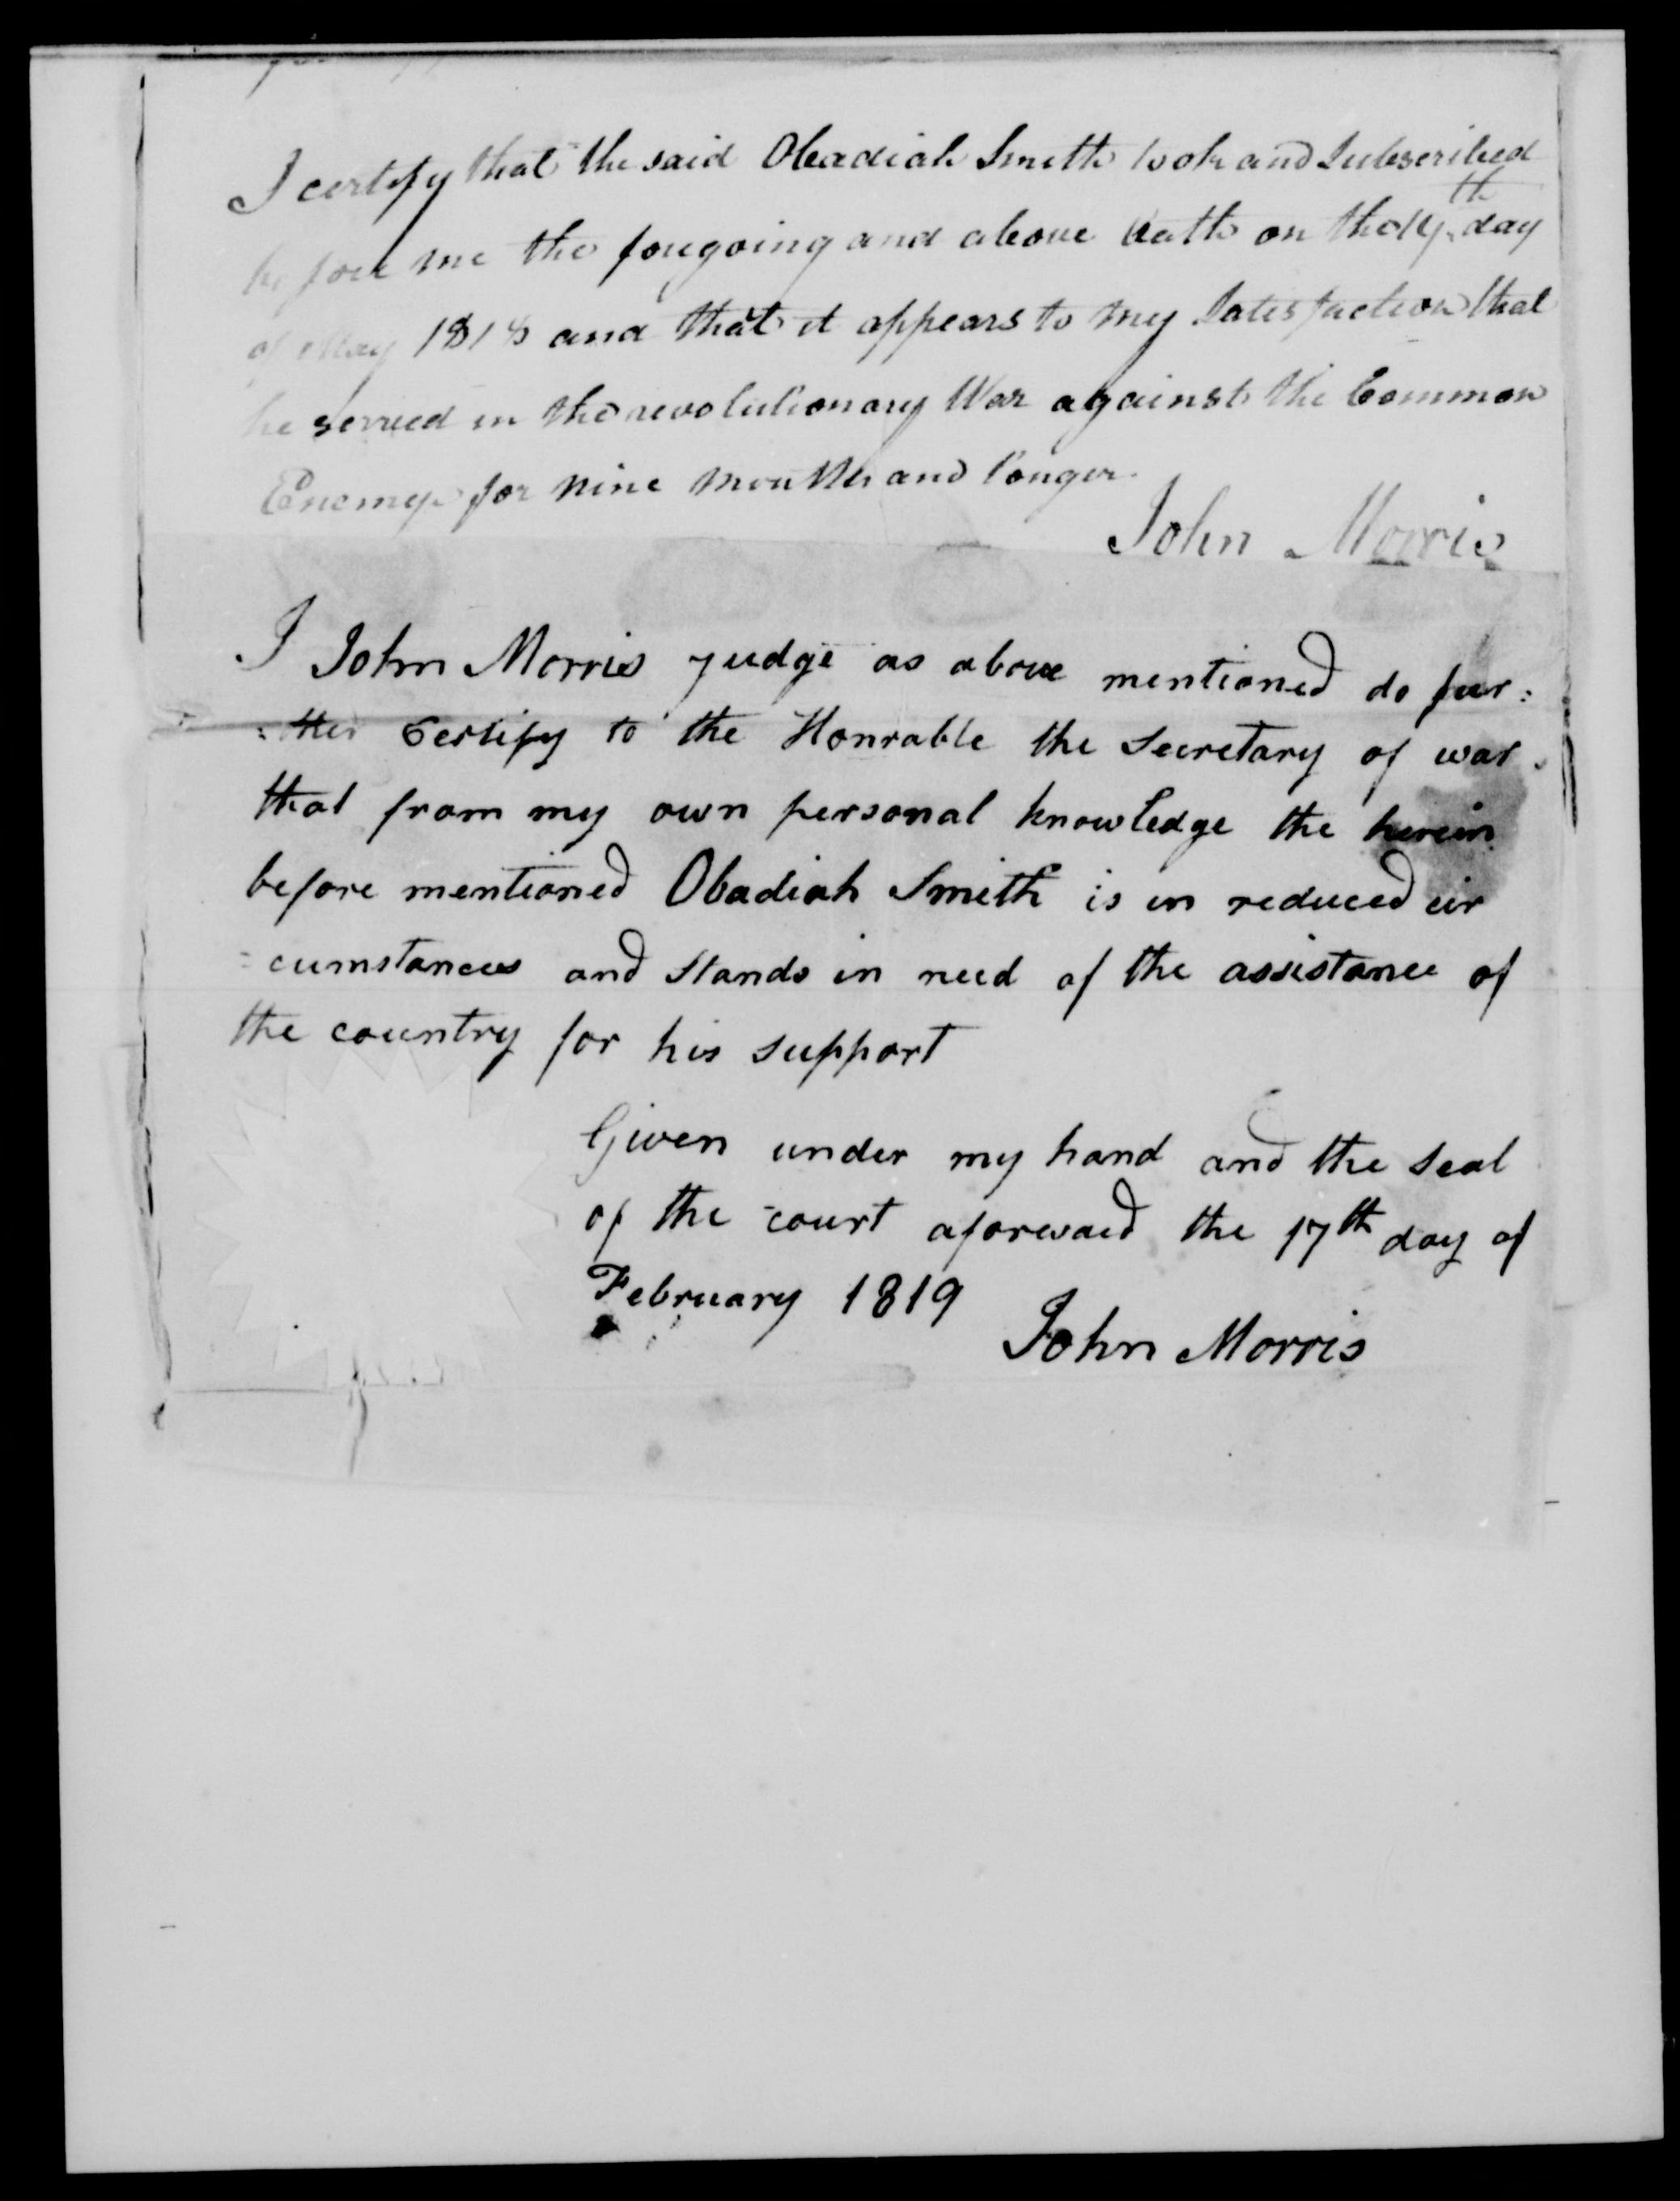I certify that the said Obadiah Smith took and Subscribed before me the foregoing and above oath on the 14th day of May 1818 and that it appears to my satisfaction that he served in the revolutionary War against the Common Enemy for nine months and longer. [signature:] John Morris 
I John Morris judge as above mentioned do further Certify to the Honorable the Secretary of war that from my own personal knowledge the herein before mentioned Obadiah Smith is in reduced circumstances and stands in need of assistance of the country for his support Given under my hand and the Seal of the court aforesaid the 17th day of February 1819 [signature:] John Morris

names: John Morris; John Morris; John Morris; Obadiah Smith; Obadiah Smith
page: 10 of 66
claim: survivor's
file: S 40458, for Obadiah Smith, New York